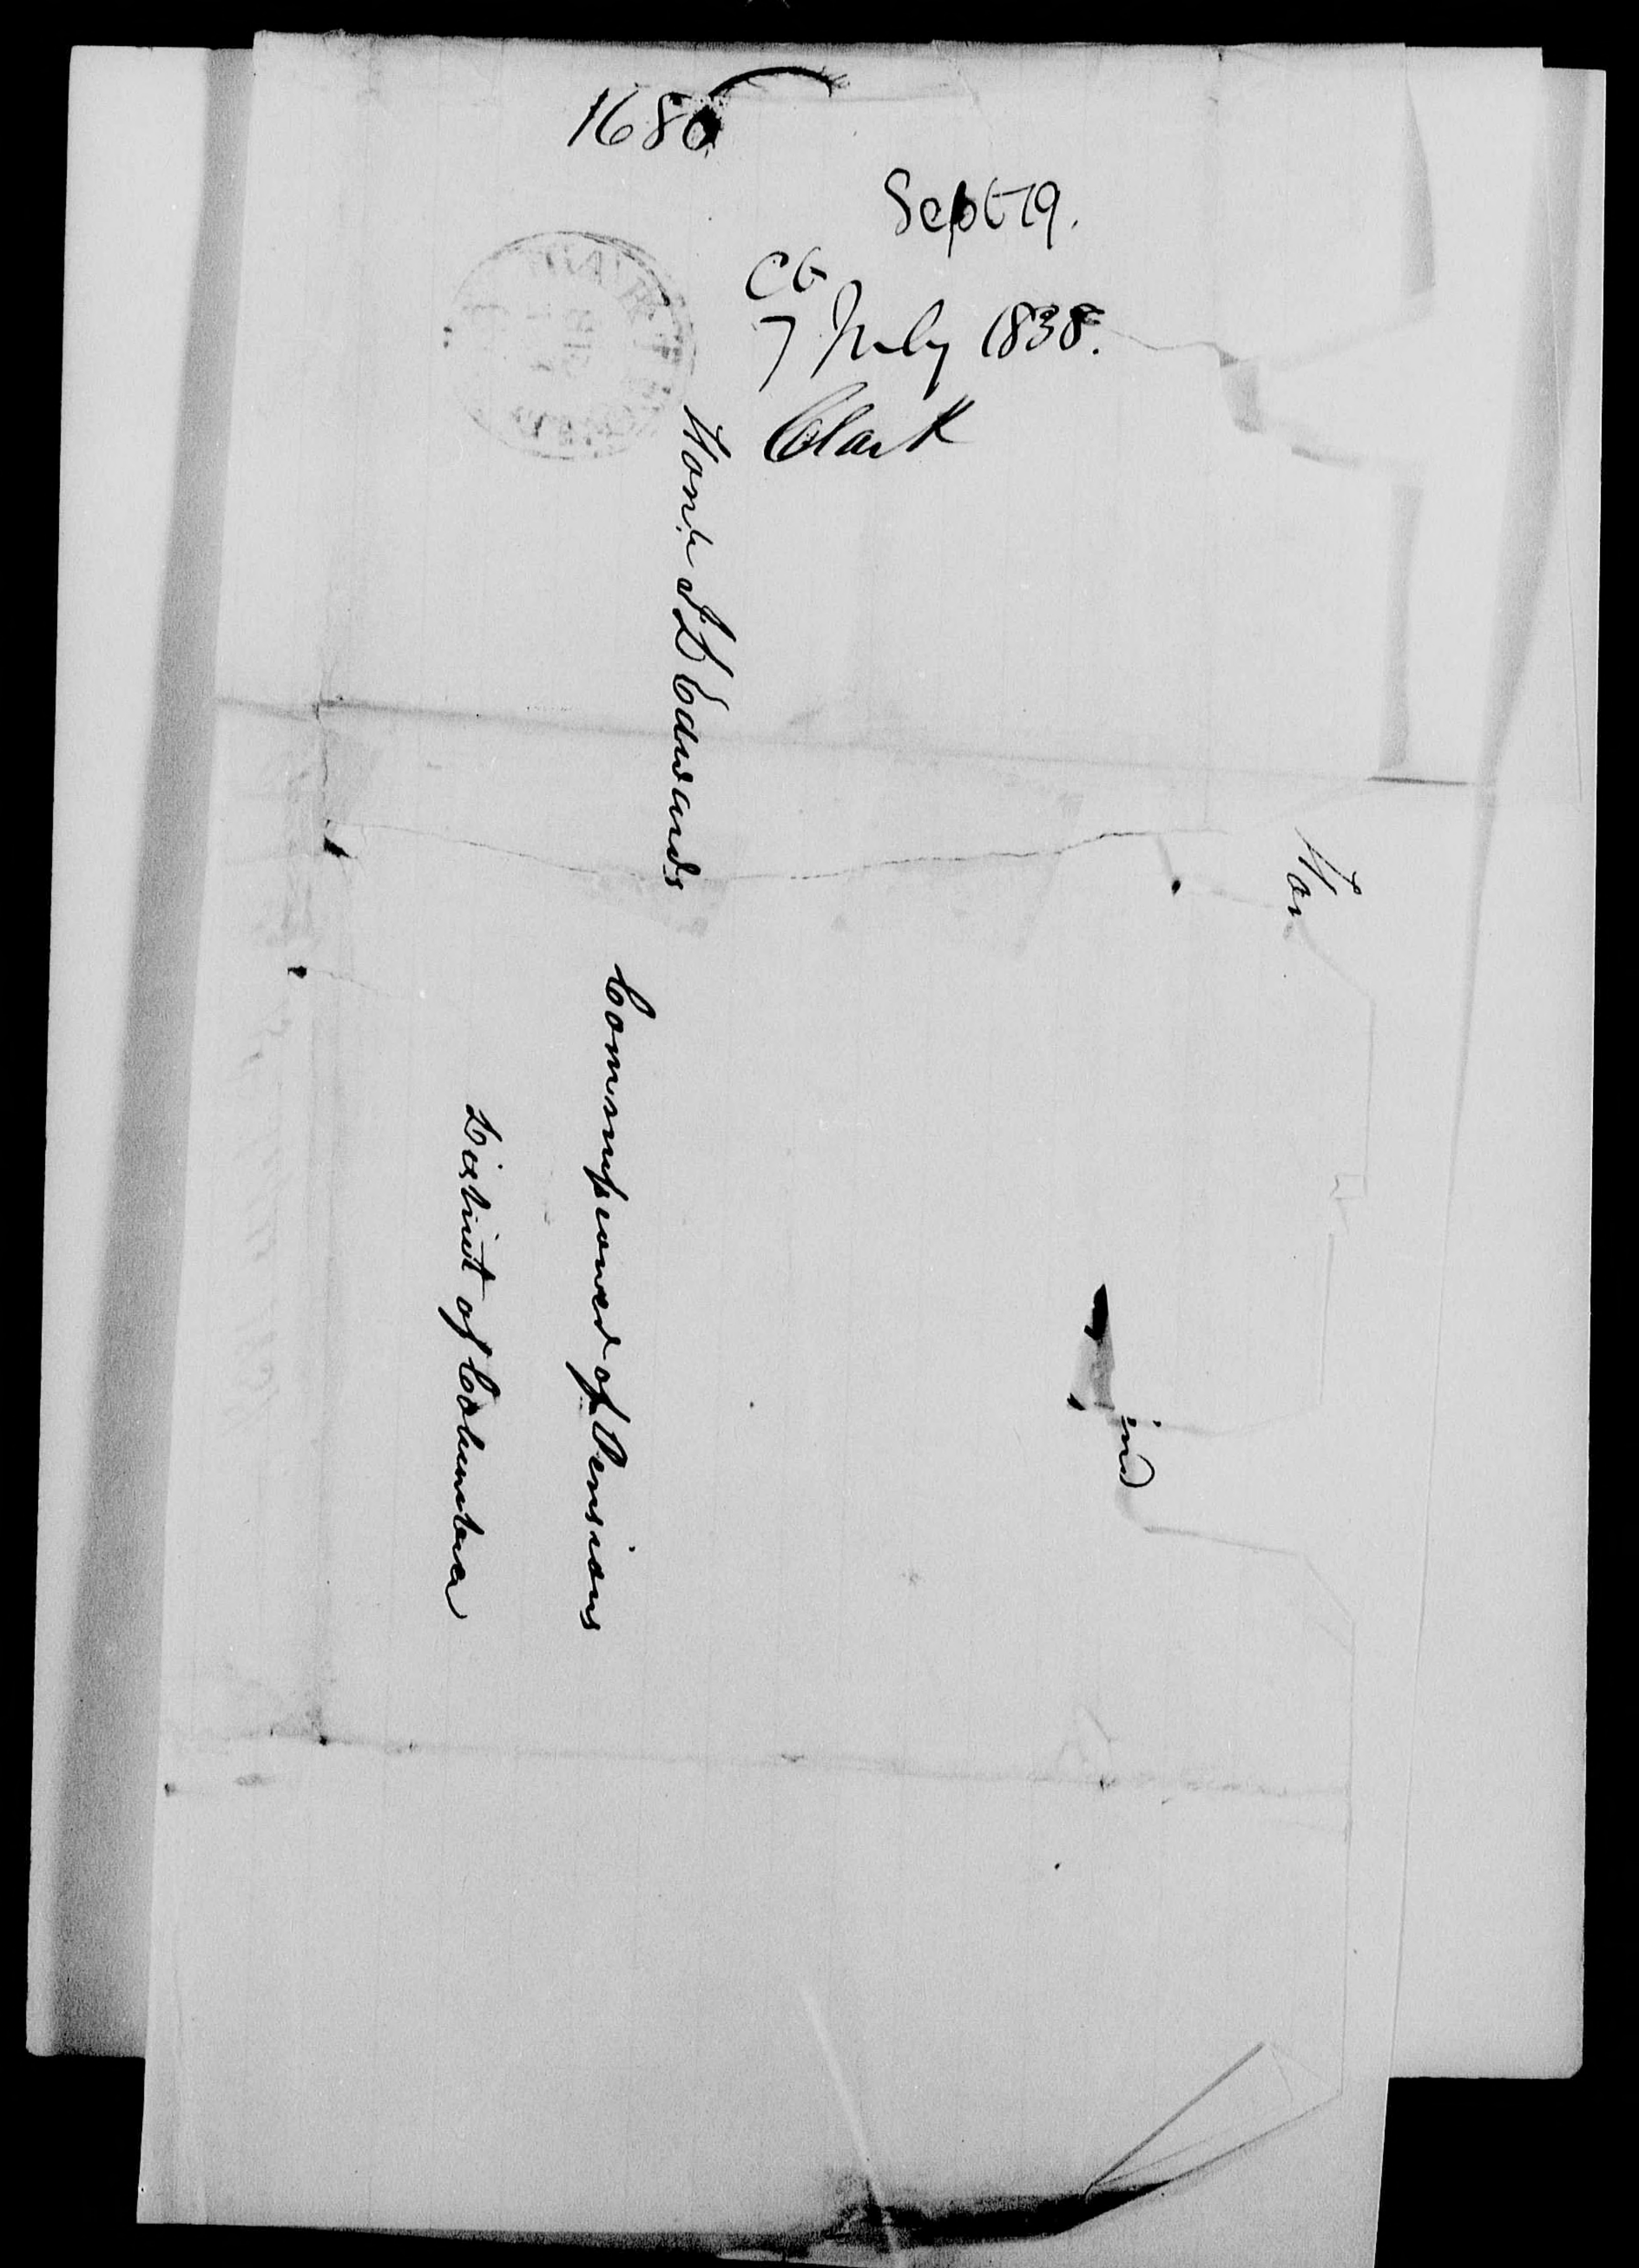[handwritten]
[left margin]
1686
Sept 19
Ct
7 July 1838
Clark

[round postage cancellation – HARTFORD the rest is illegible]

Honbl J L Edwards
Commissioner of Pensions
District of Columbia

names: J L Edwards, Clark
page: 10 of 26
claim: widow's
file: W. 14483, Reuben Clark, Conn.